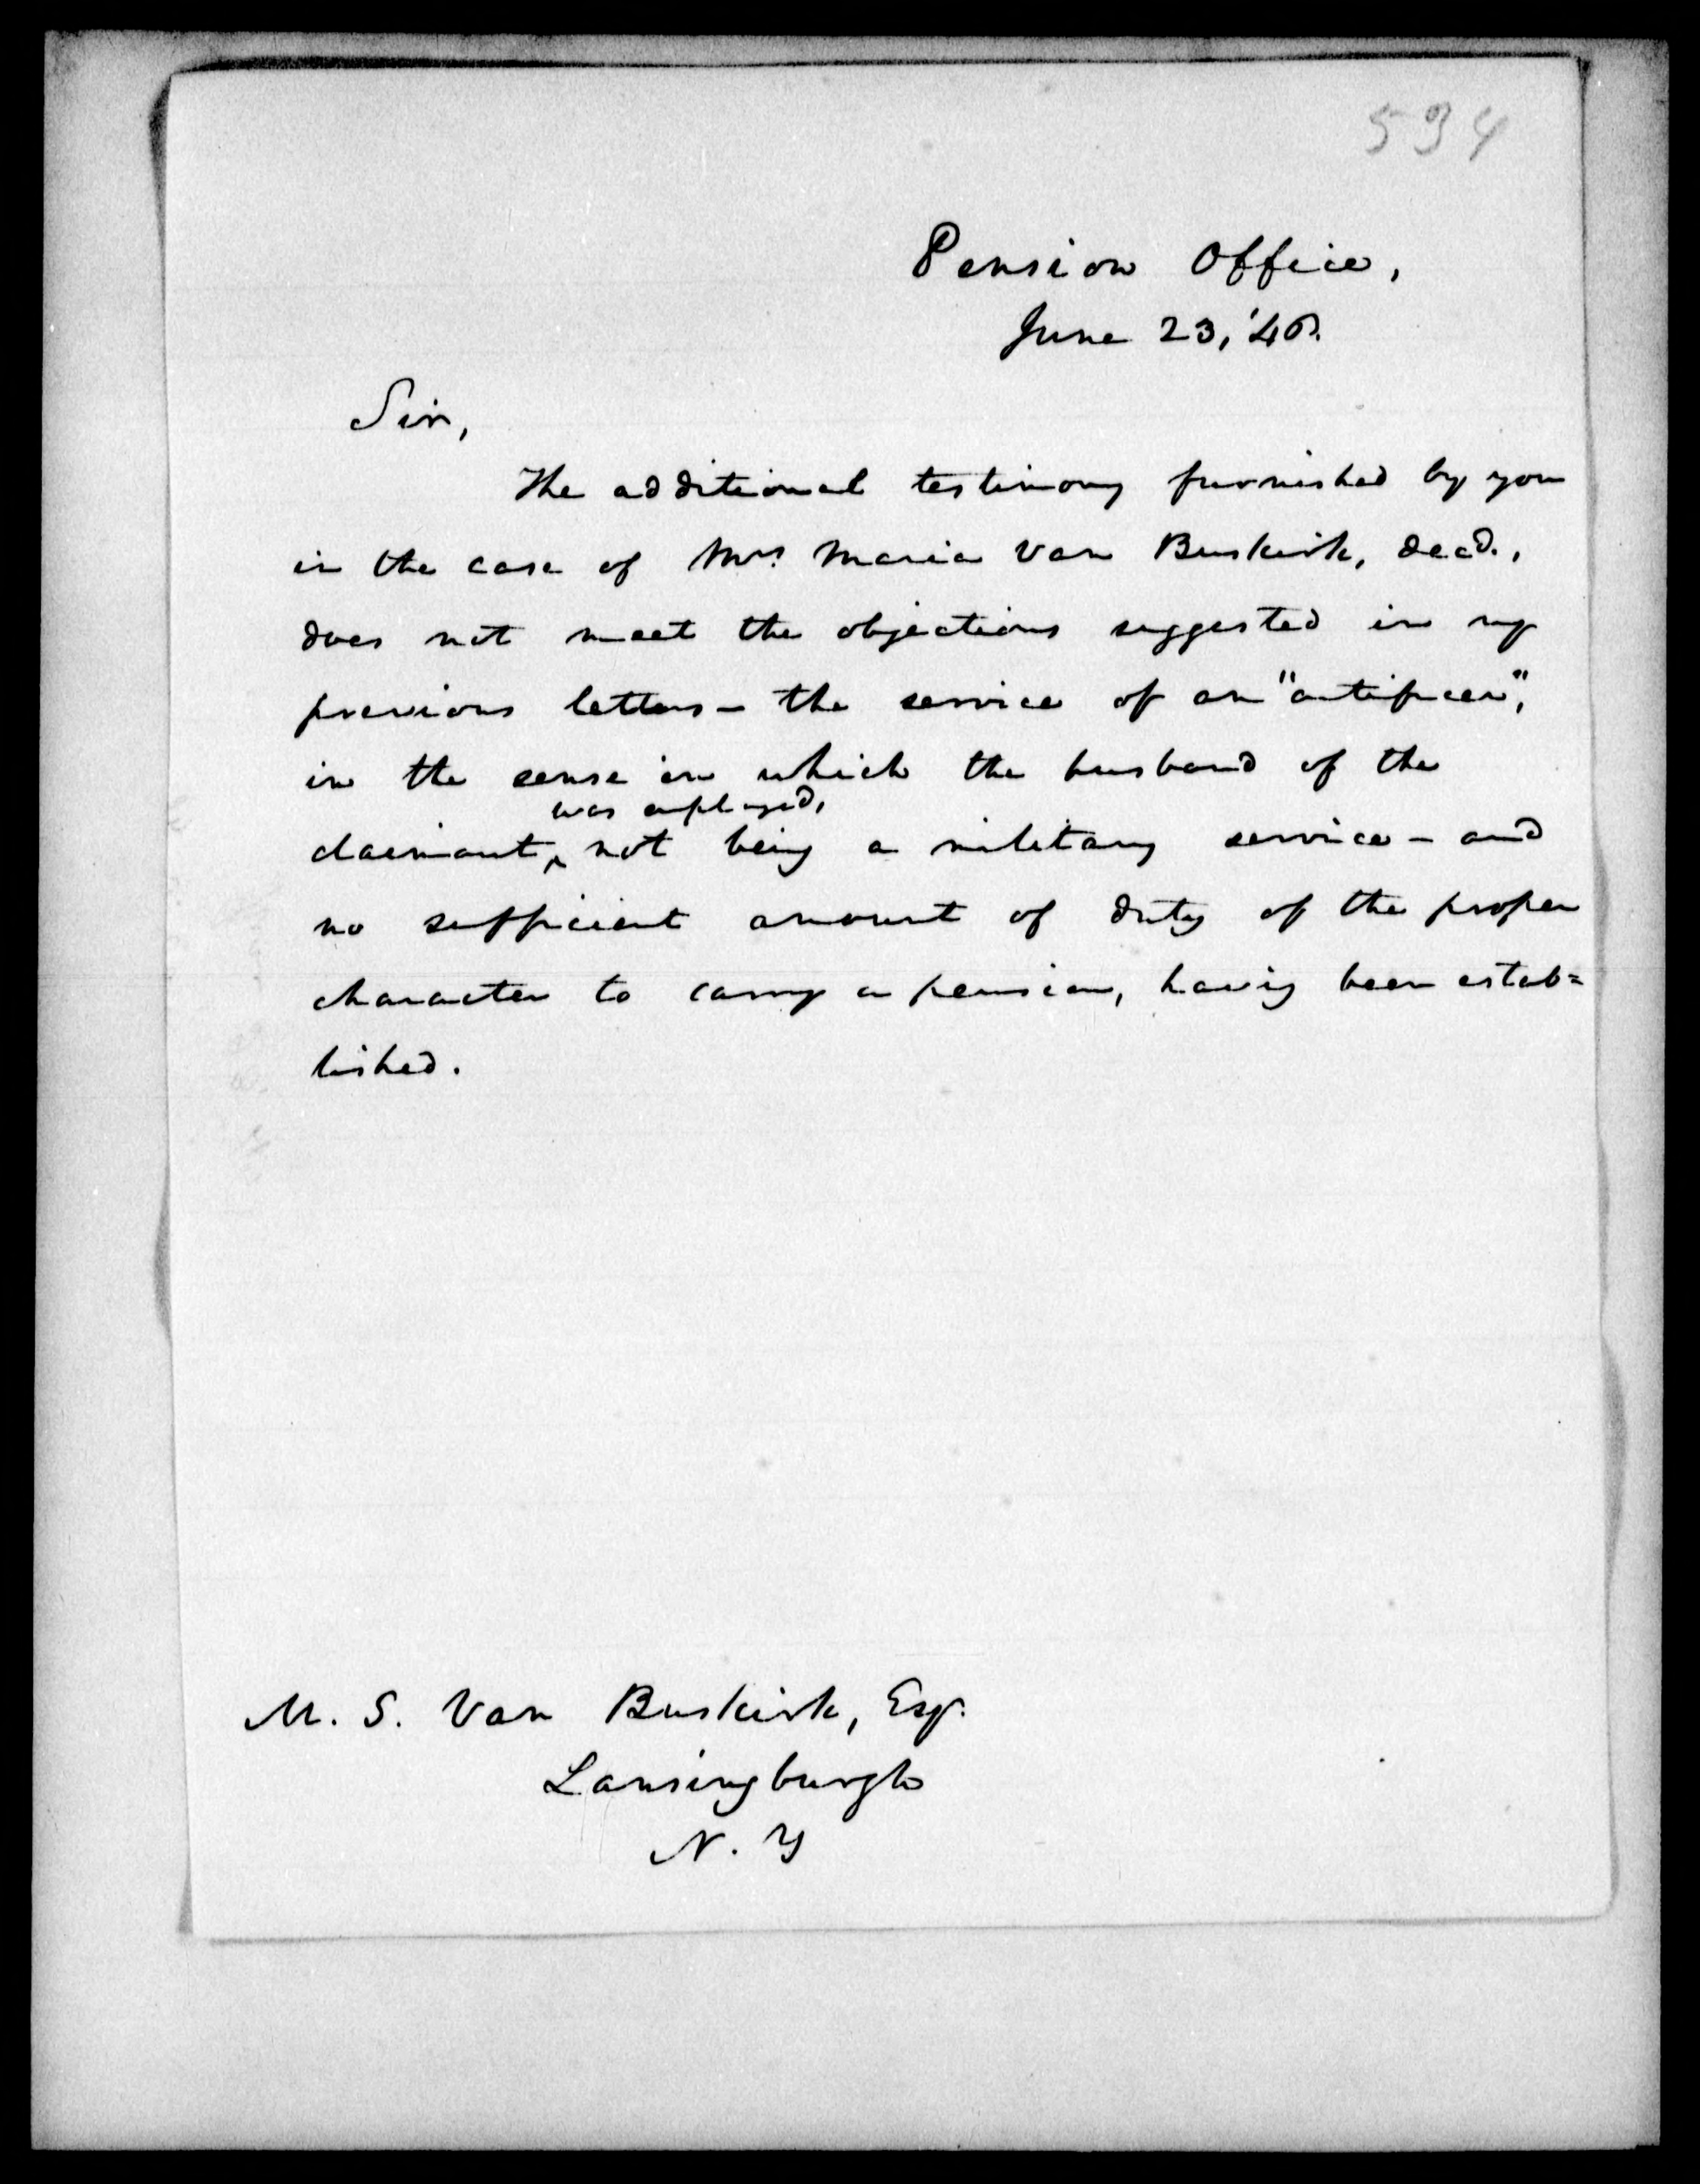534

Pension Office,
June 23, '46

Sir,
The additional testimony furnished by you in the case of Mrs Maria Van Buskirk, decd., does not meet the objectives suggested in my previous letters - the service of an "artificer", in the cause in which the husband of the claimant was employed, not being a military service - and no sufficient amount of duty of the proper
character to carry a pension, having been established.

M. S. Van Buskirk, Esq
Lansingburgh
N. Y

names: M S Van Buskirk, Maria Van Buskirk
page: 45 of 70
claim: rejected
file: R. 10,832, Martin Van Buskirk, New York.